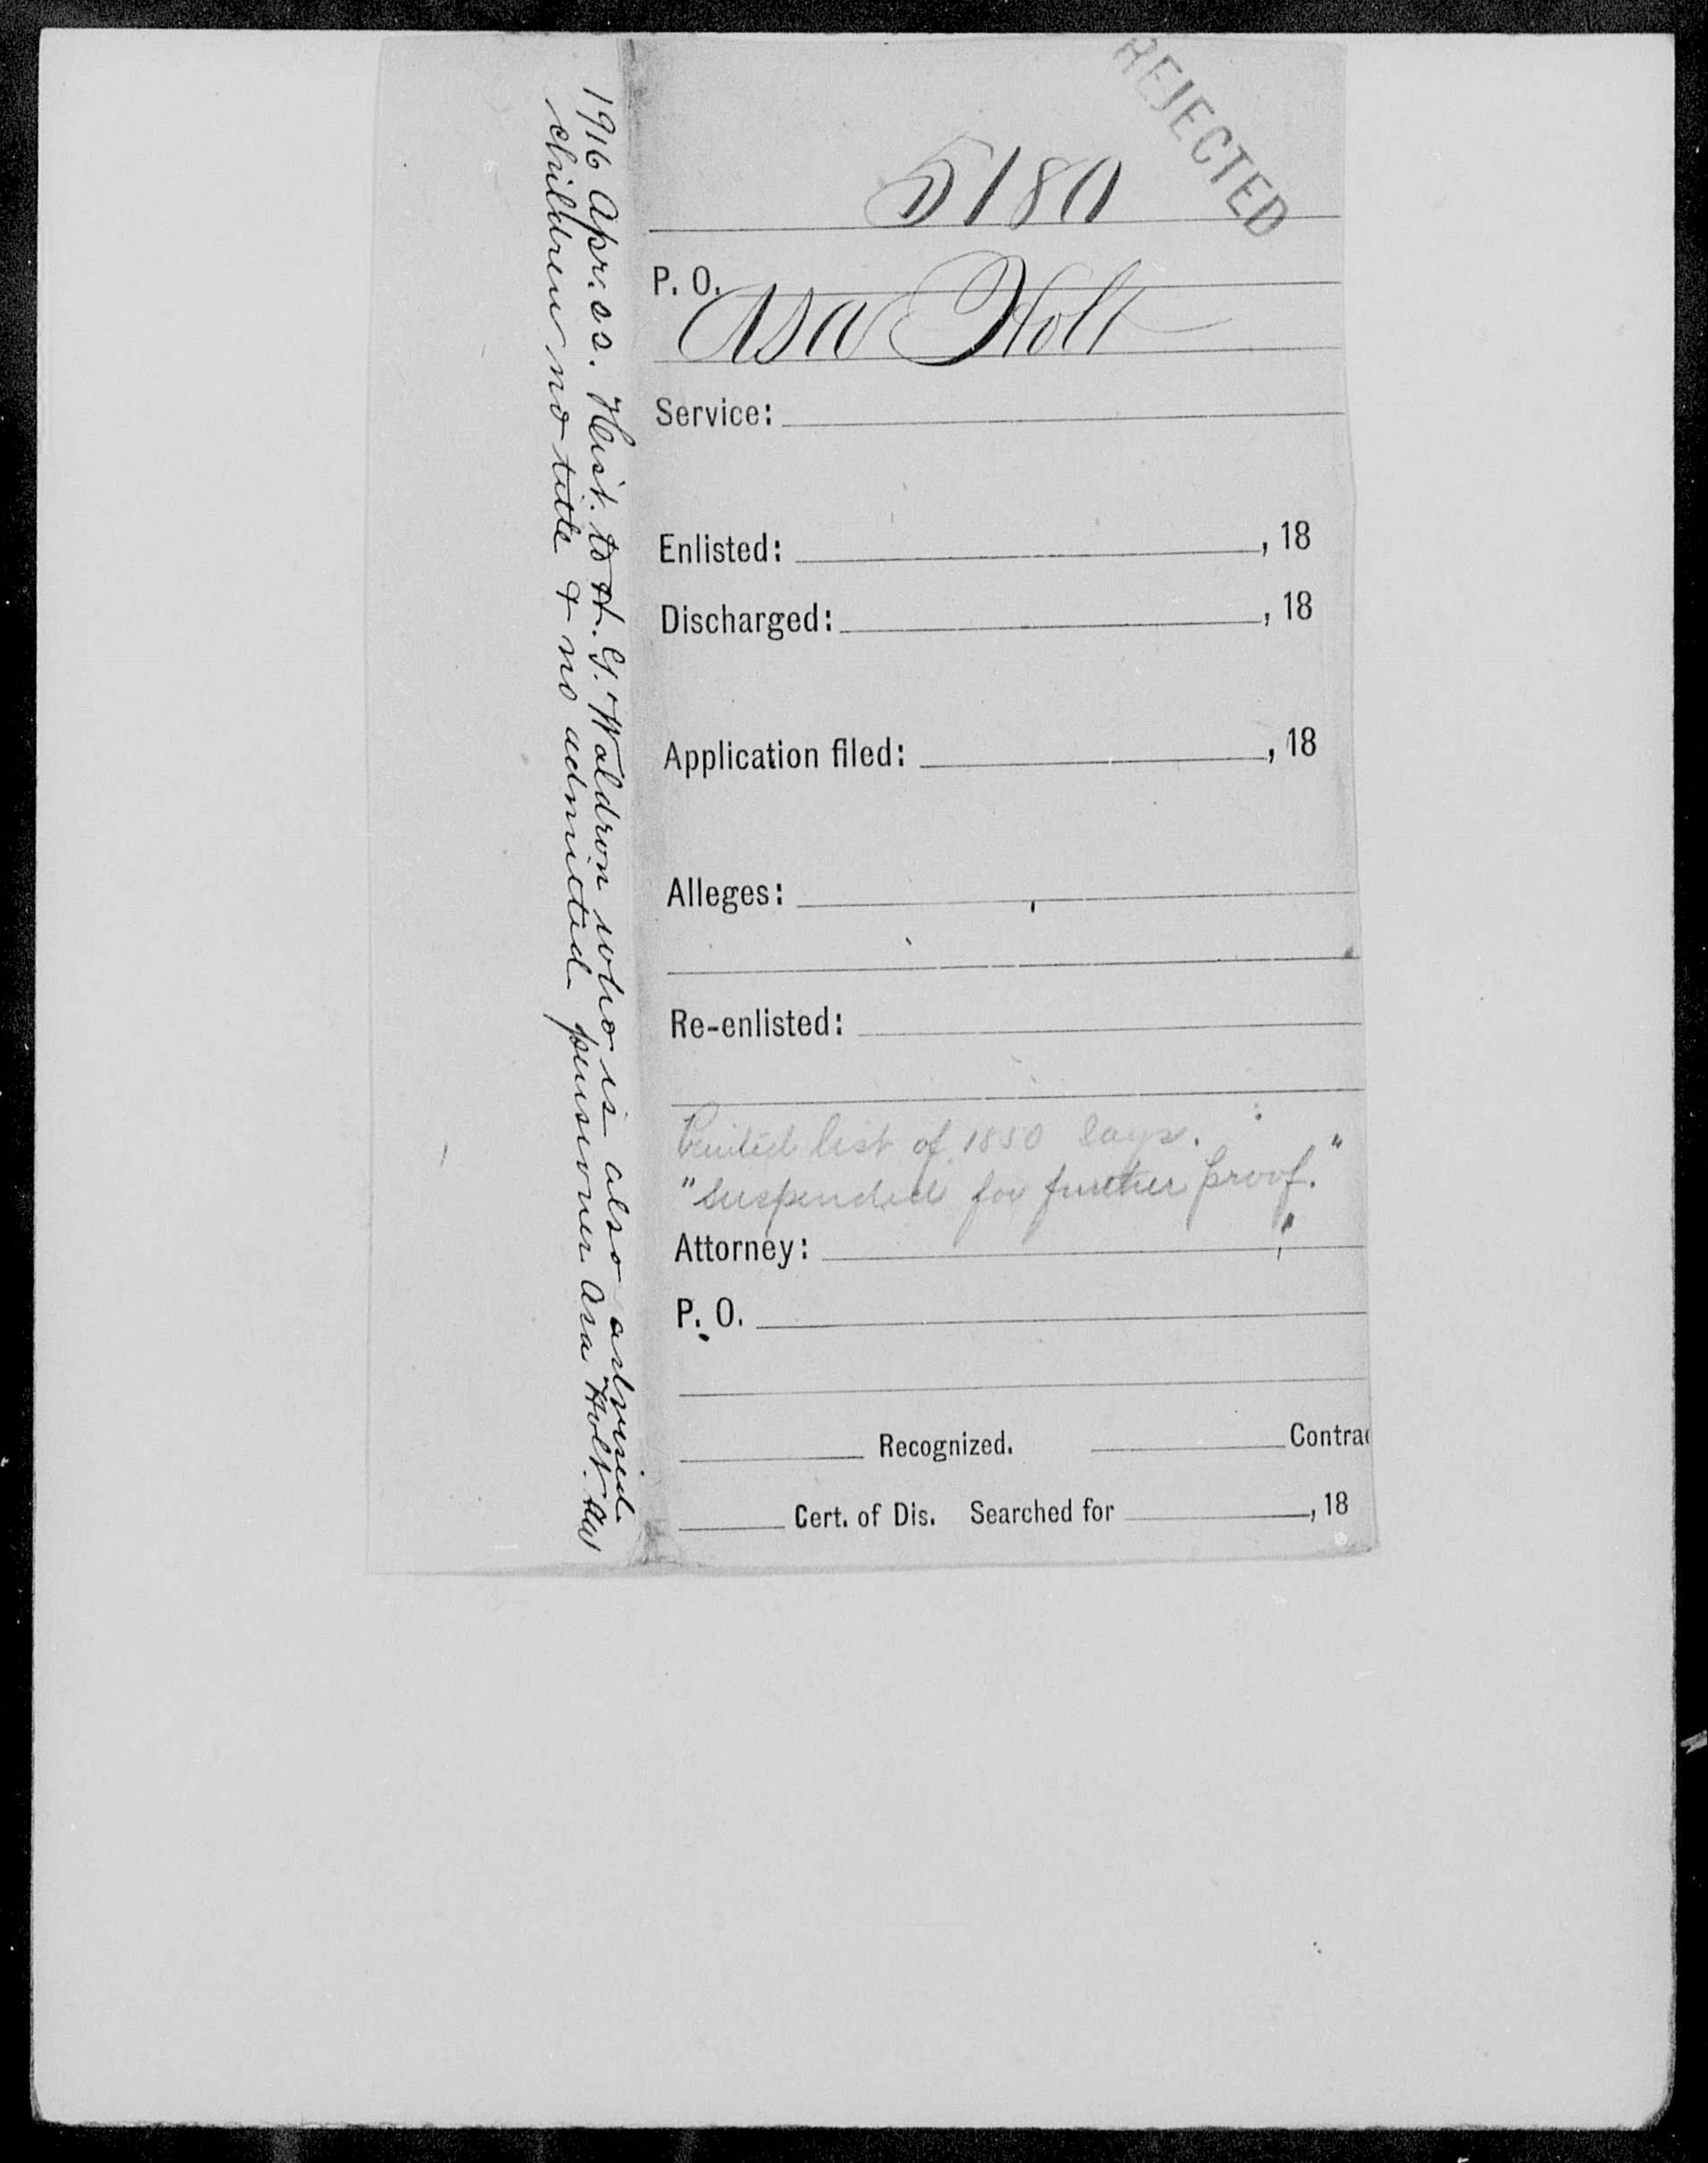1861
Asa Holt
Service:
Enlisted:
Discharged:
Application filed:
Alleges:
Re-enlisted:
18
18
18
---
United list of 1850 says
"Suspended for further proof
Attorney:
P. O.
Recognized.
Cert. of Dis. Searched for
18
Contrad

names: Asa Holt, H G Waldron, Asa Holt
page: 7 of 24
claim: rejected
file: R. 5180, Asa Holt, Mass. Vt.